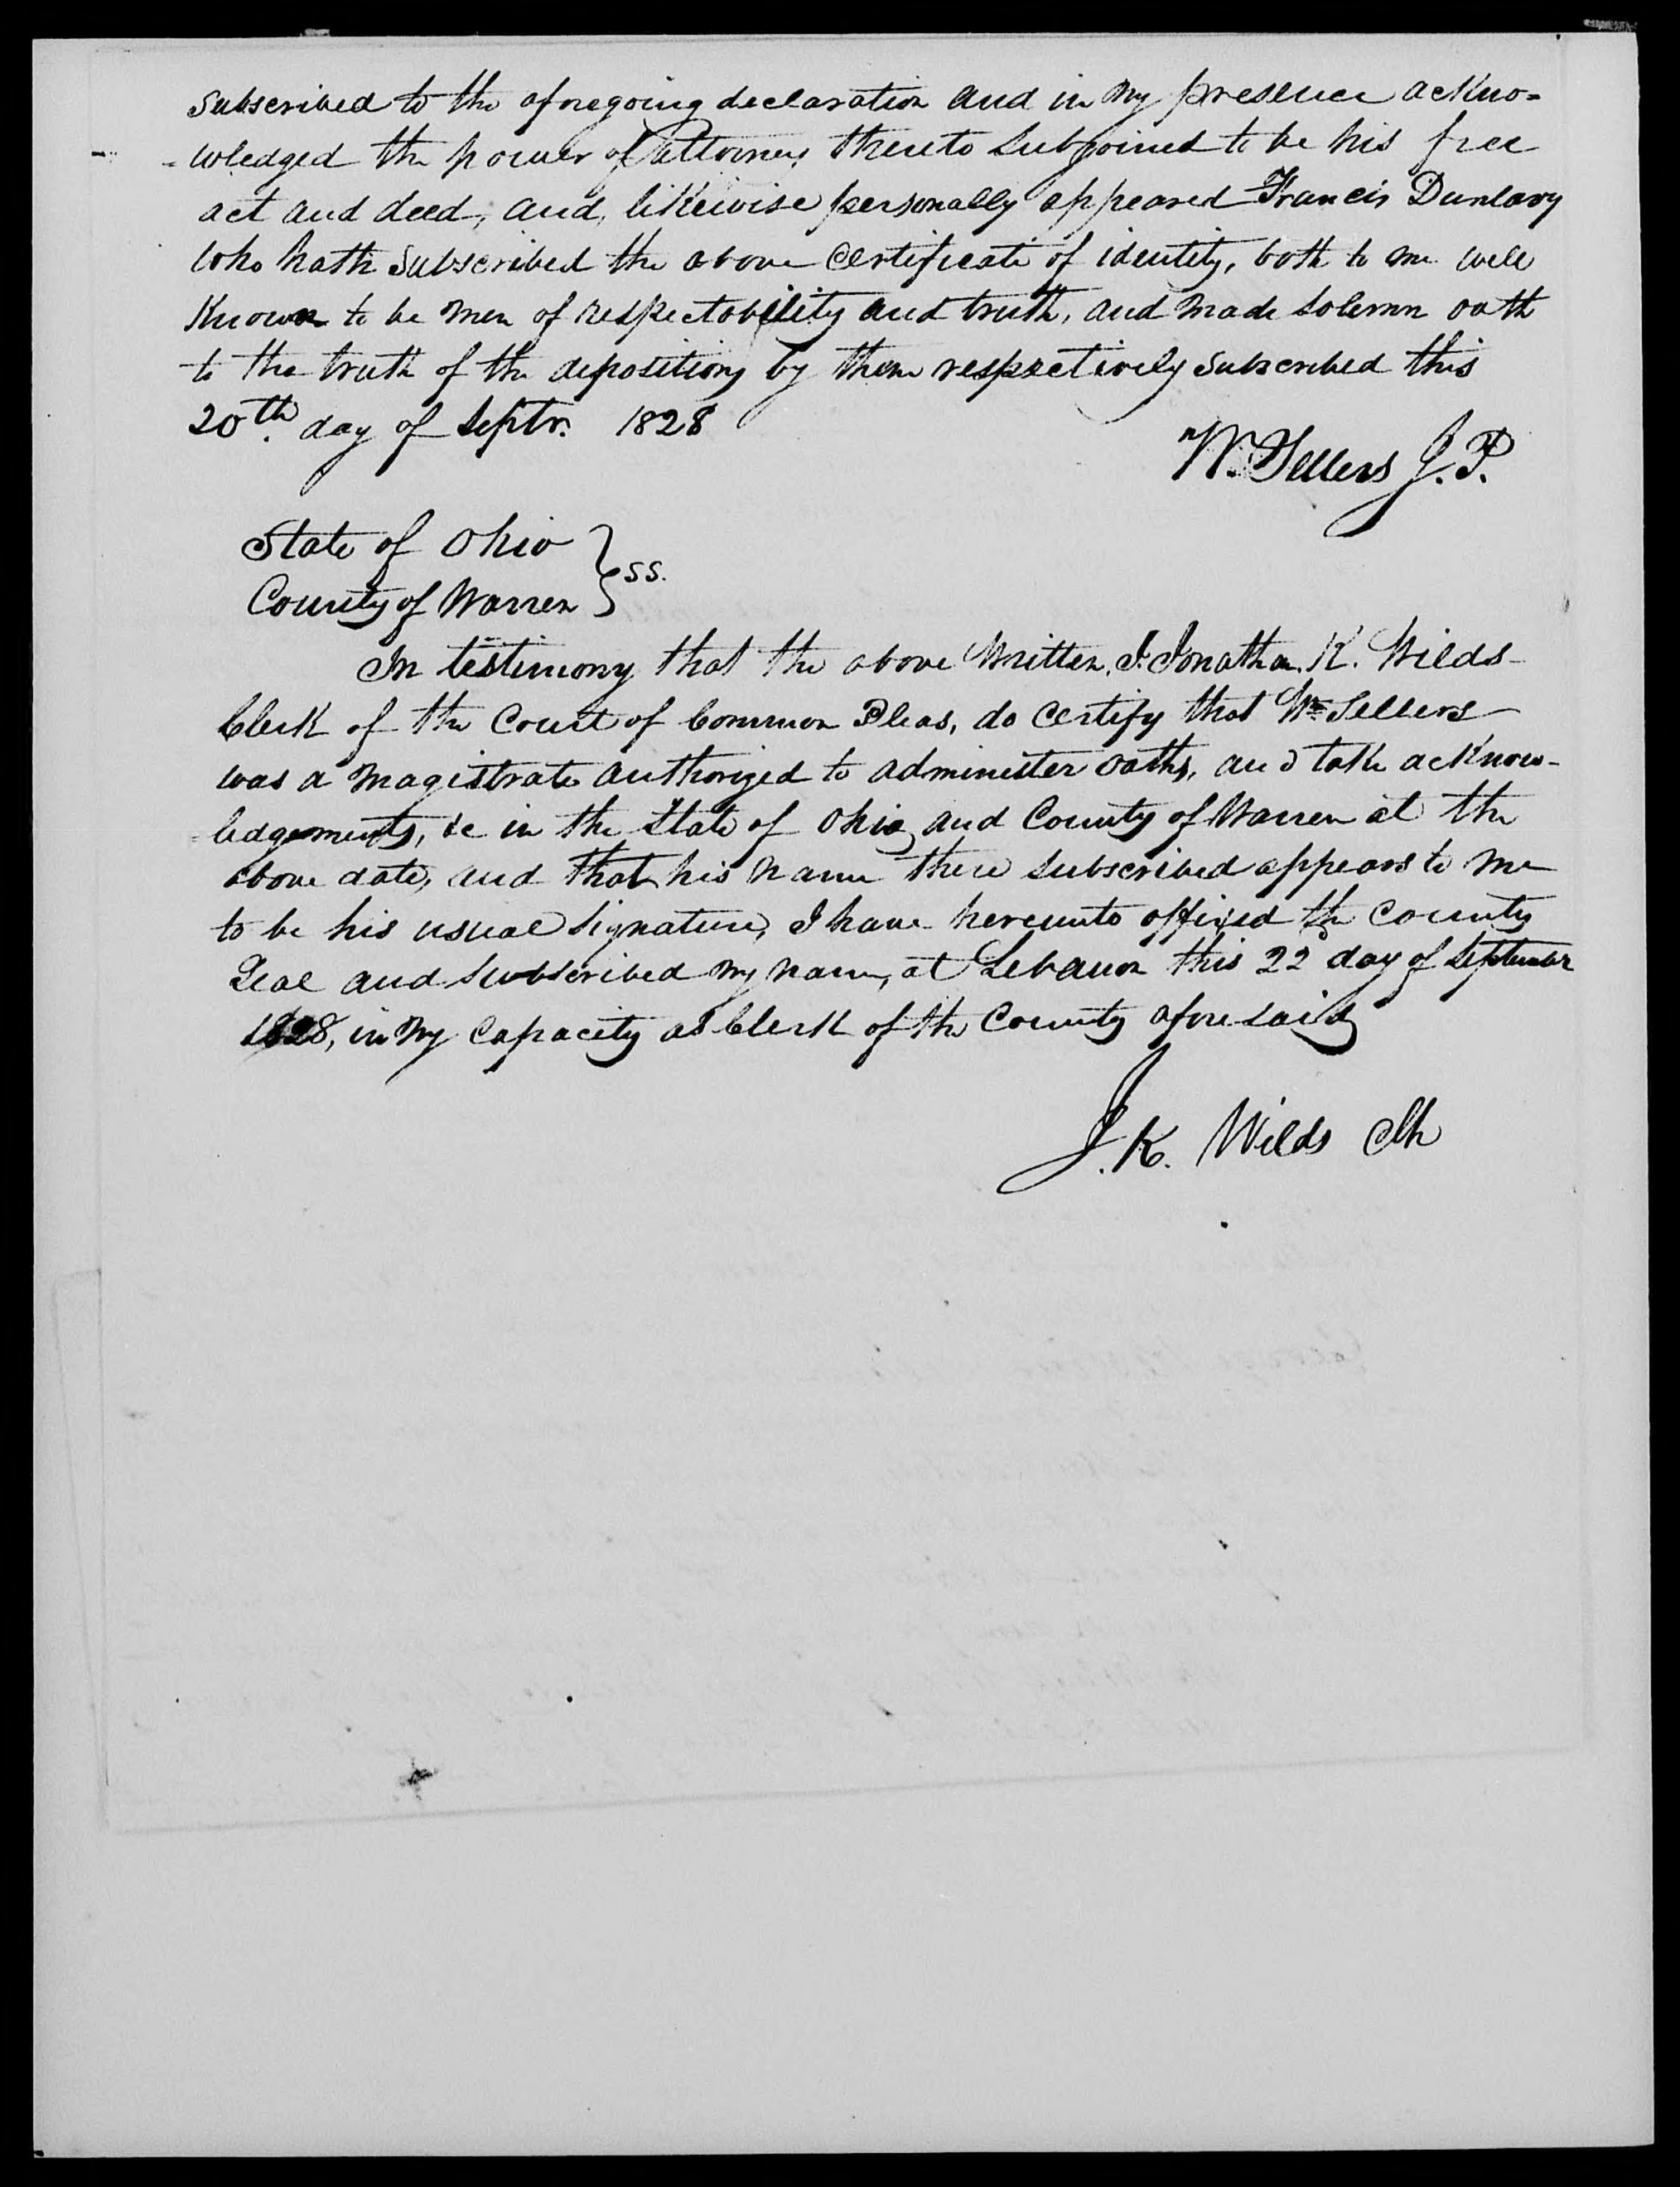subscribed to the aforegoing declaration and in my presence acknowledged the power of Attorney thereto subjoined to be his free
act and deed; and, likewise personally appeared Francis Dunlavy
who hath subscribed the above certificate of identity, both to me well
Known to be men of respectability and truth, and made solemn oath
to the truth of the depositions by them respectively subscribed this
20th day of Septr. 1828
W. Sellers J.P.  /s/


State of Ohio
County of Warren  SS
In testimony that the above written, I, Jonathan K. Wilds
Clerk of the Court of Common Pleas, do certify that Wm Sellers
was a magistrate authorized to administer oaths, and take acknowledgements, & in the State of Ohio and County of Warren at the
above date, and that his name there subscribed appears to me
to be his usual signature, I have hereunto affixed the County
seal and subscribed my name at Lebanon this 22 day of September
1828, in my capacity as Clerk of the County aforesaid
J. R. Wilds Clk  /s/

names: W Sellers; Jonathan K Wilds; Francis Dunlavy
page: 40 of 57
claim: widow's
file: W. 25,739, for James Murphey, Pennsylvania